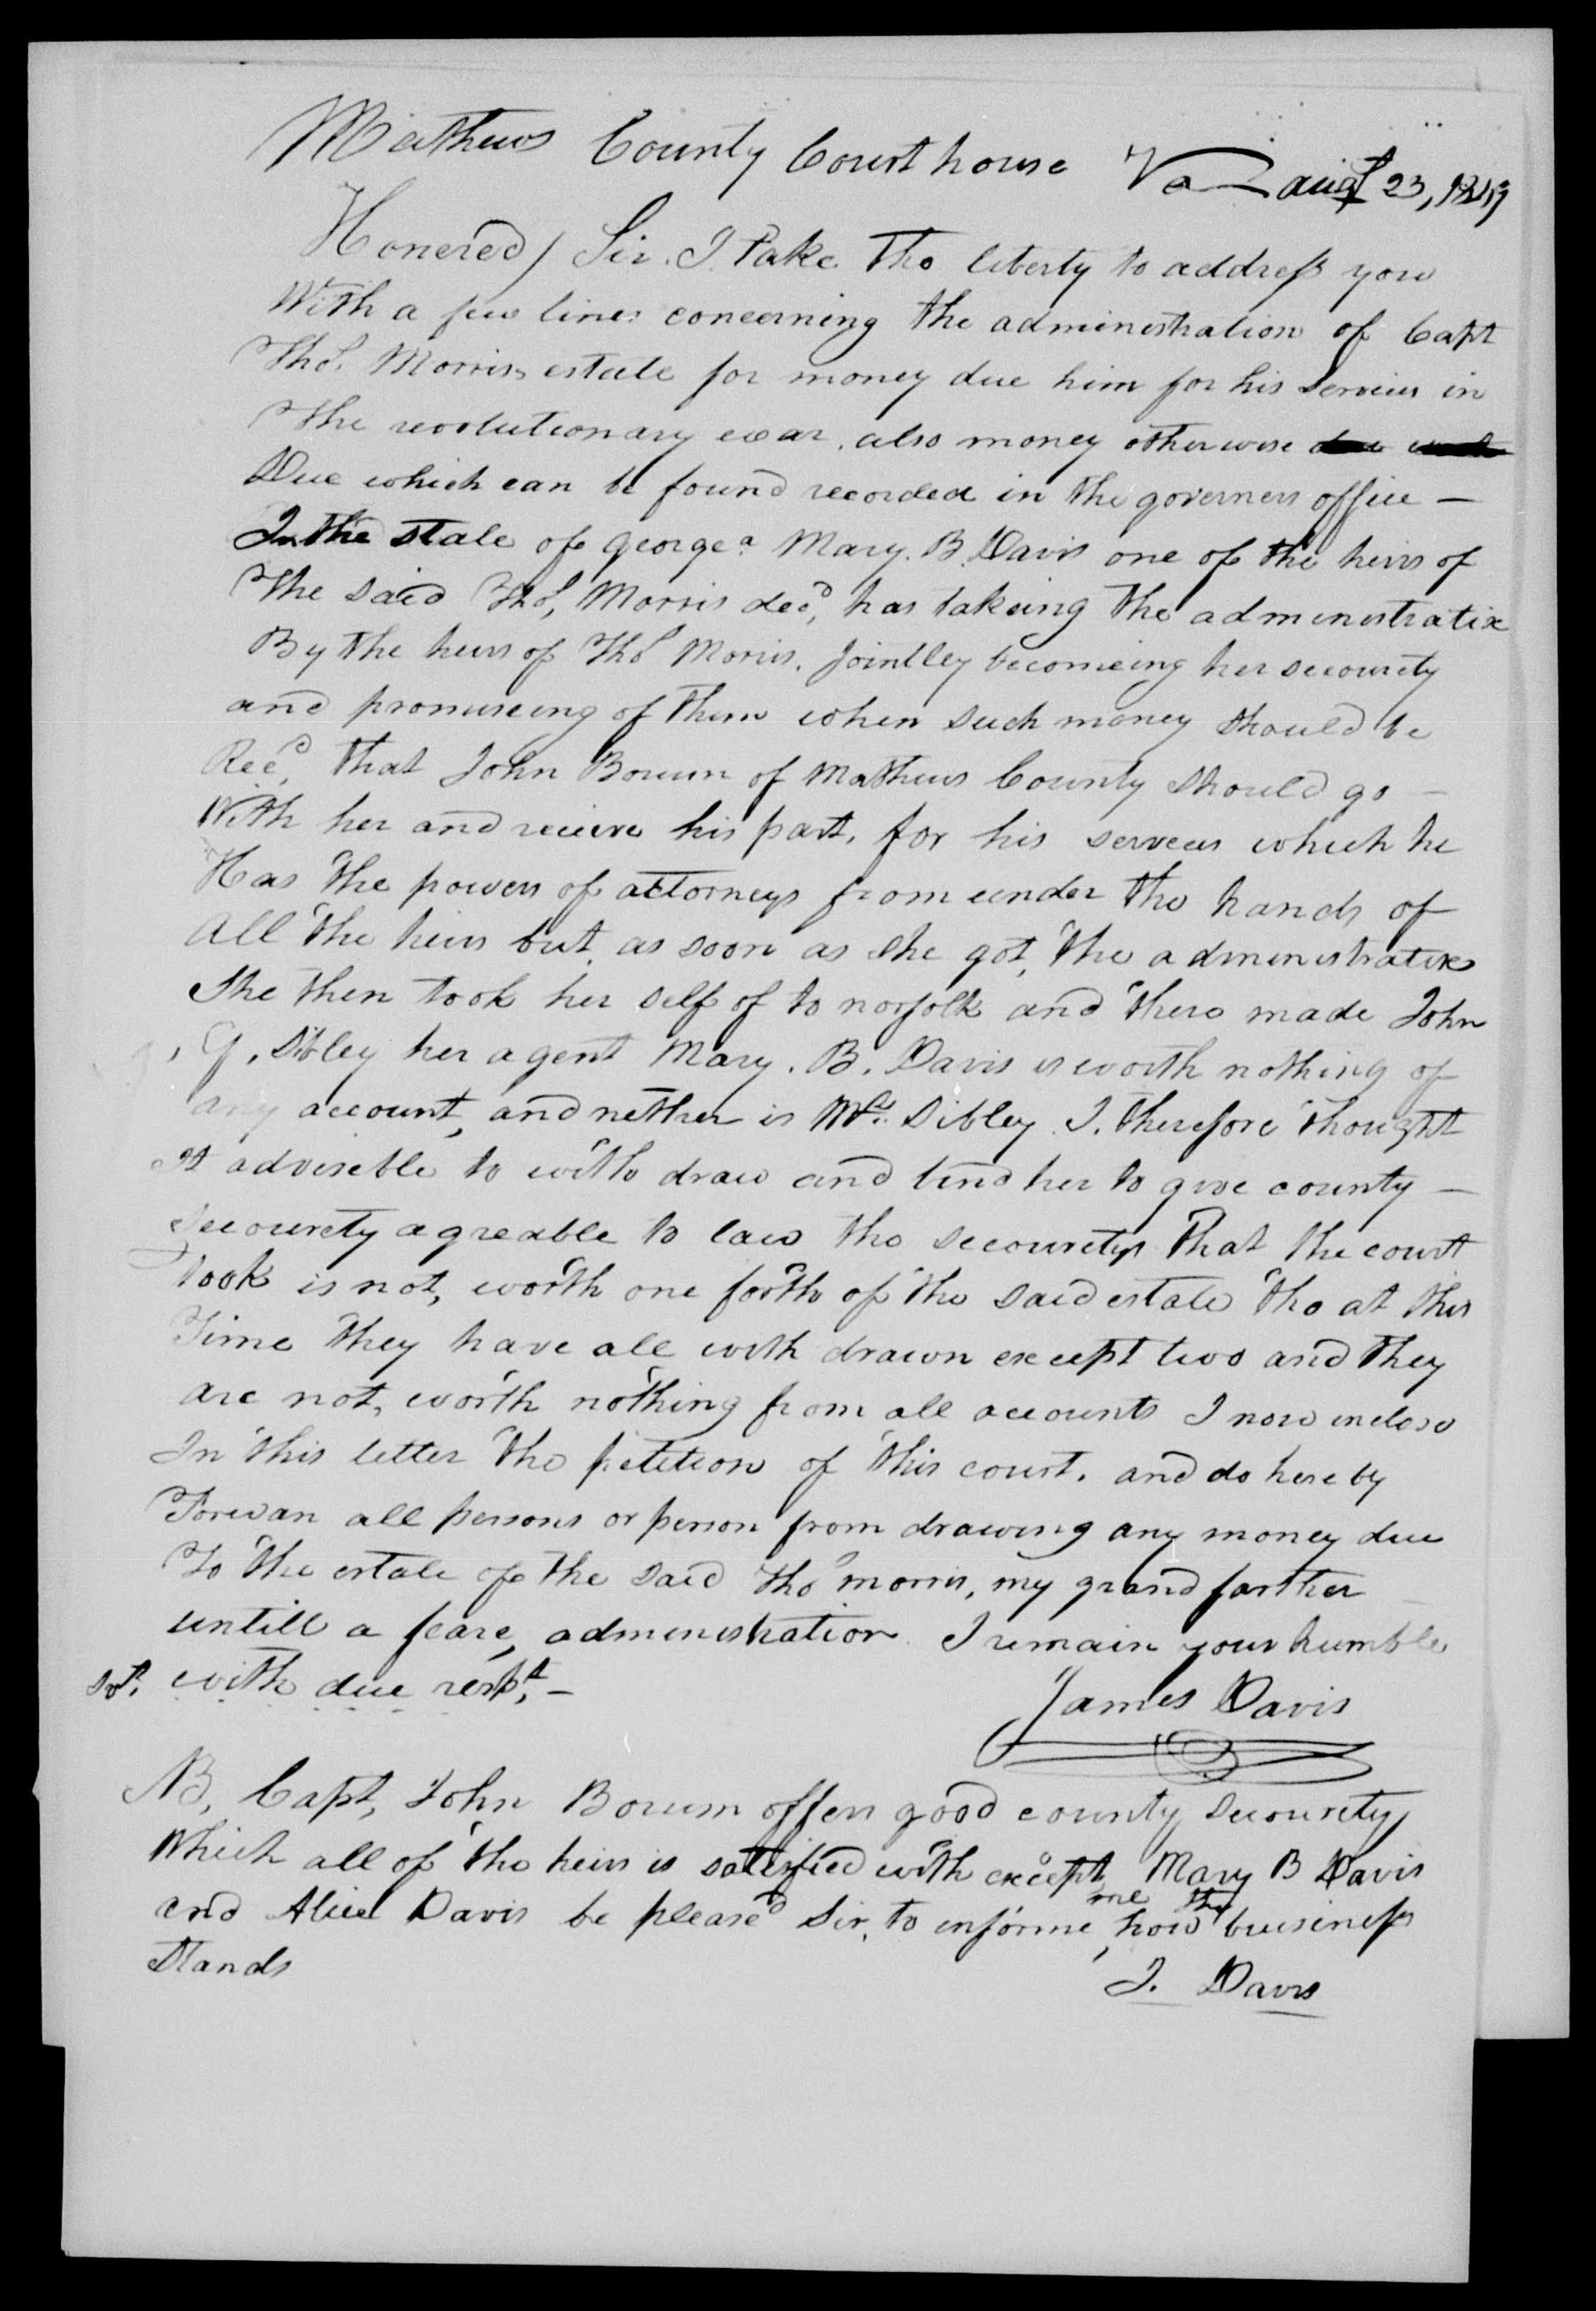Mathews County Courthouse Va augt 23, 1849
Honered Sir, I take the liberty to address you With a few lines concerning the administration of Capt Thos Morris's estate for money due him for his services in the revolutionary war, also money otherwise Due which can be found recorded in the governers office
In the state of georgia Mary B. Davis one of the heirs of the said Thos Morris decd, has takeing the administrative By the heirs of Thos Morris, Jointley becomeing her [security] and promiseing of them when such money should be Recd that John Borum of Mathews County should go With her and receive his part, for his services which he Has the power of attorney from under the hands of All the heirs but as soon as she got, the administrative She then took her self [off] to norfolk and there made John G Sibley her agent Mary B. Davis is worth nothing of any account, and neither is Mr. Sibley. I, therefore thought it advisable to with draw and bind her to give county [security] agreable to law tho [security] that the court took is not worth one forth of the said estate tho at this time they have all with drawn except two and they are not worth nothing from all accounts I now enclose In this letter the petition of this court, and do hereby [Forewarn] all persons or person from drawing any money due to the estate of the said Thos Morris, my grandfather untill a [illegible], administratior. I remain your humble svt with due respt
James Davis
B, Capt John Borum offers good county [security] which all of the heirs is satisfied with except Mary B Davis and Alice Davis be pleased Sir, to inform me, how business stands
J. Davis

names: Alice Davis; John Sibley; James Davis; Thos Morris; John Borum; Mary B Davis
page: 9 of 30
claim: rejected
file: R. 16,555, for Thomas Morris, Georgia